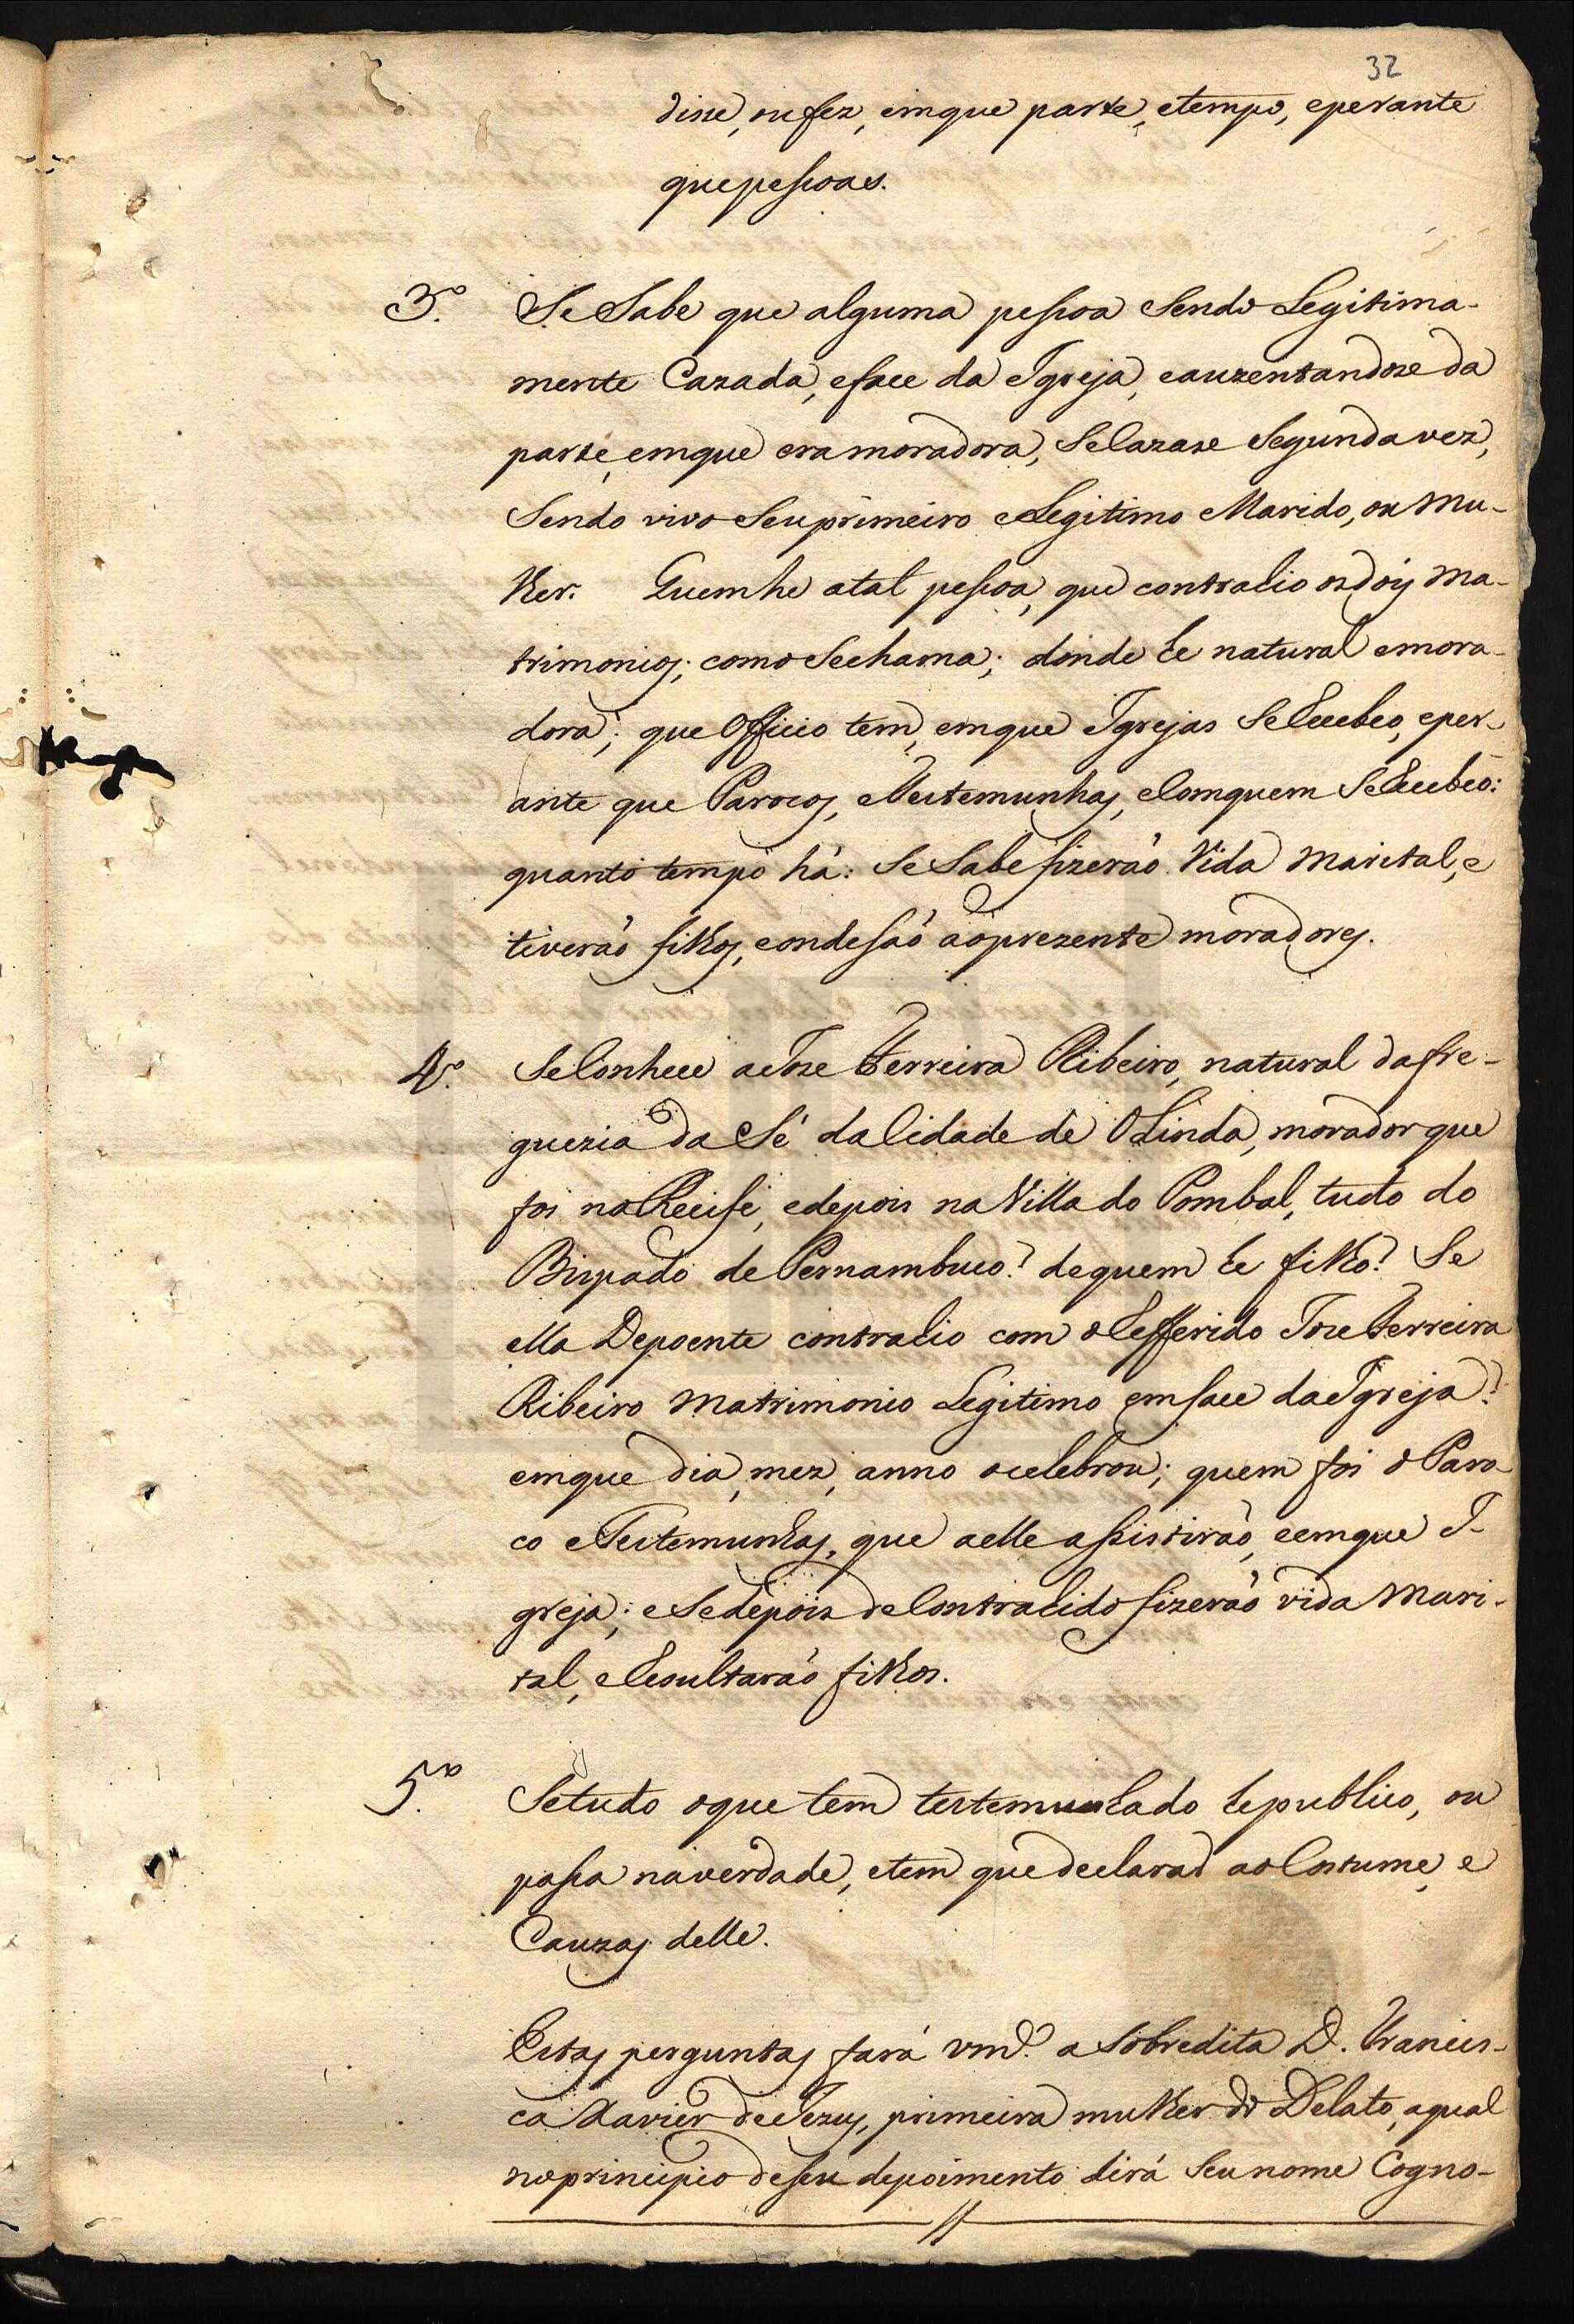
disse, ou fez, em que parte, e tempo, e perante
que pessoas.
3.o Se Sabe que alguma pessoa Sendo Legitima
mente Cazada, e face da Igreja, e auzenandoze da
parte, em que era moradora, Se Cazase Segunda vez,
Sendo vivo Seu primeiro e Legitimo Marido, ou mu
lher. Quem he a tal pessoa, que contrahio oz dois ma
trimonios, como se chama, donde he natural e mora
dora; que officio tem, em que Igrejas se Recebeo, e per
ante que Parocos, e Testemunhas, e Com quem Se Recebeo:
quanto tempo há. Se Sabe fizeraõ Vida marital, e
tiveraõ filhos, e onde saõ ao prezente moradores.
4.o Se Conhece a Ioze Ferreira Ribeiro, natural da fre
guezia da Sé da Cidade de Olinda, morador que
foi no Recife, e depois na Villa do Pombal, tudo do
Bispado de Pernambuco? de quem he filho? Se
ella Depoente contrahio com o Refferido Ioze Ferreira
Ribeiro matrimonio Legitimo em face da Igreja?
em que dia, mez, anno o celebrou; quem foi o Paro
co e Testemunhas, que a elle assistiraõ, e em que I
greja; e Se depoiz de contrahido fizeraõ vida mari
al, e Rezultaraõ filhos.
5.o Se tudo o que tem testemunhado he publico, ou
passa na verdade, e tem que declarar ao Costume, e
Couzas delle.
Estas perguntas fará vm.e a Sobredita D. Francis
ca Xavier de Iezus, primeira mulher do Delato, a qual
no principio de seu depoimento dirá seu nome cogno
